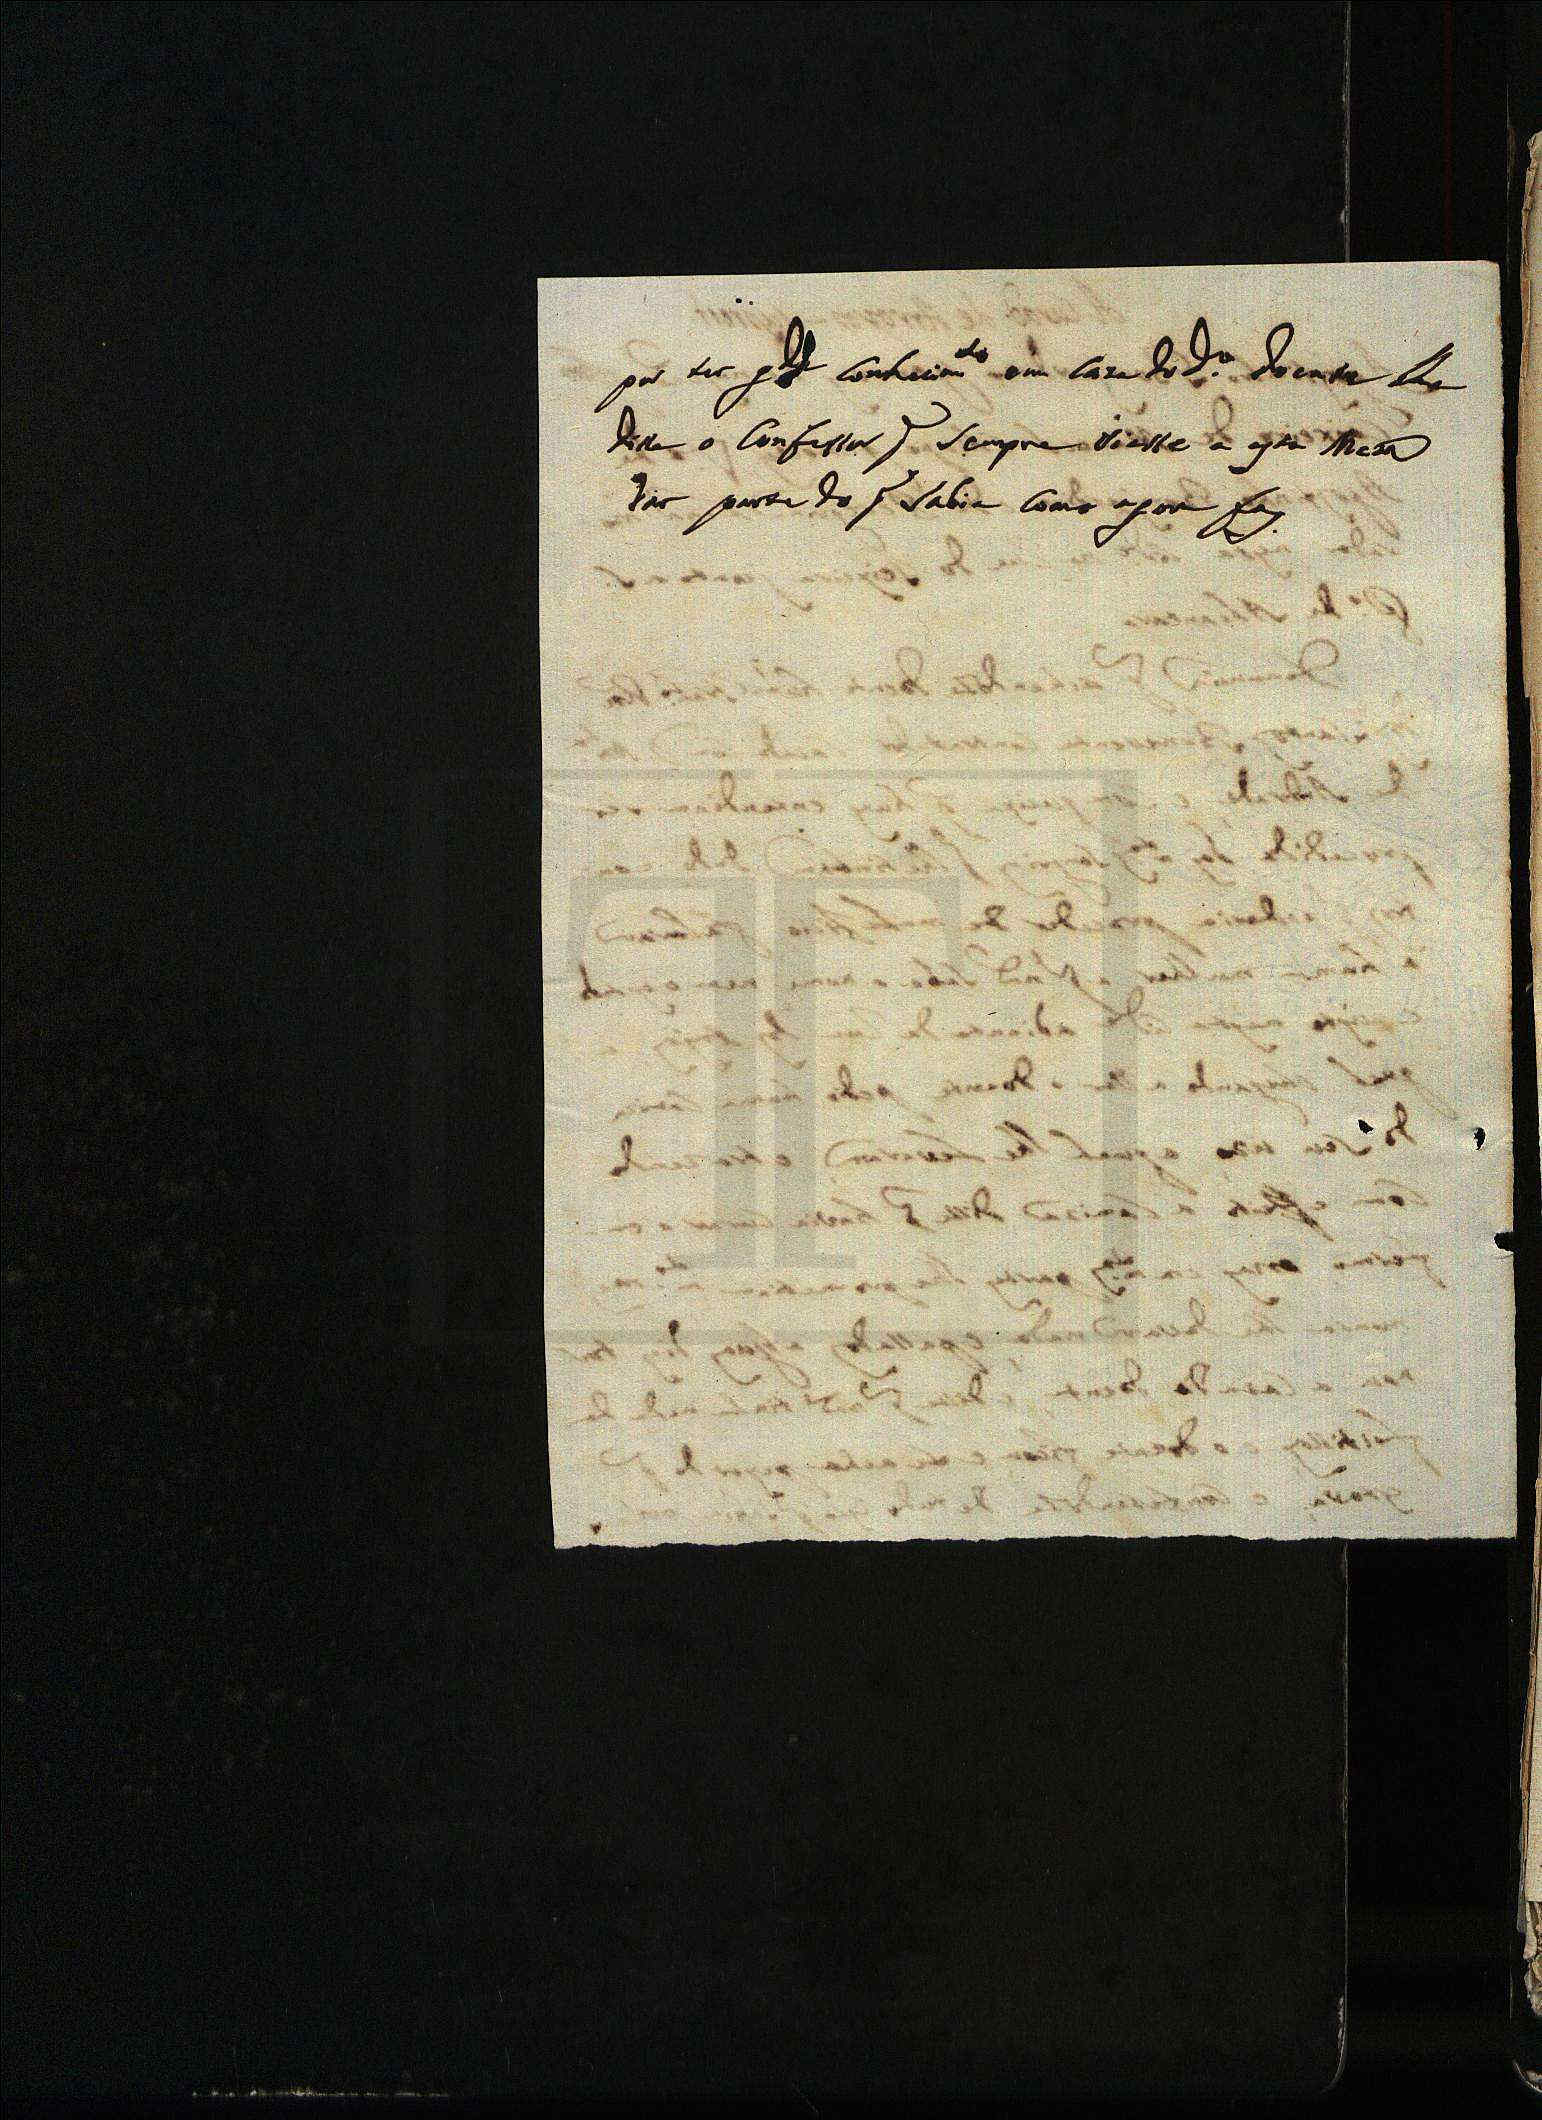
por ter gde Conhecim.to em caza do d.o doente lhe
disse o Confessor q̄ sempre viesse a esta Meza
dar parte do q̄ sabia como agora fas.
